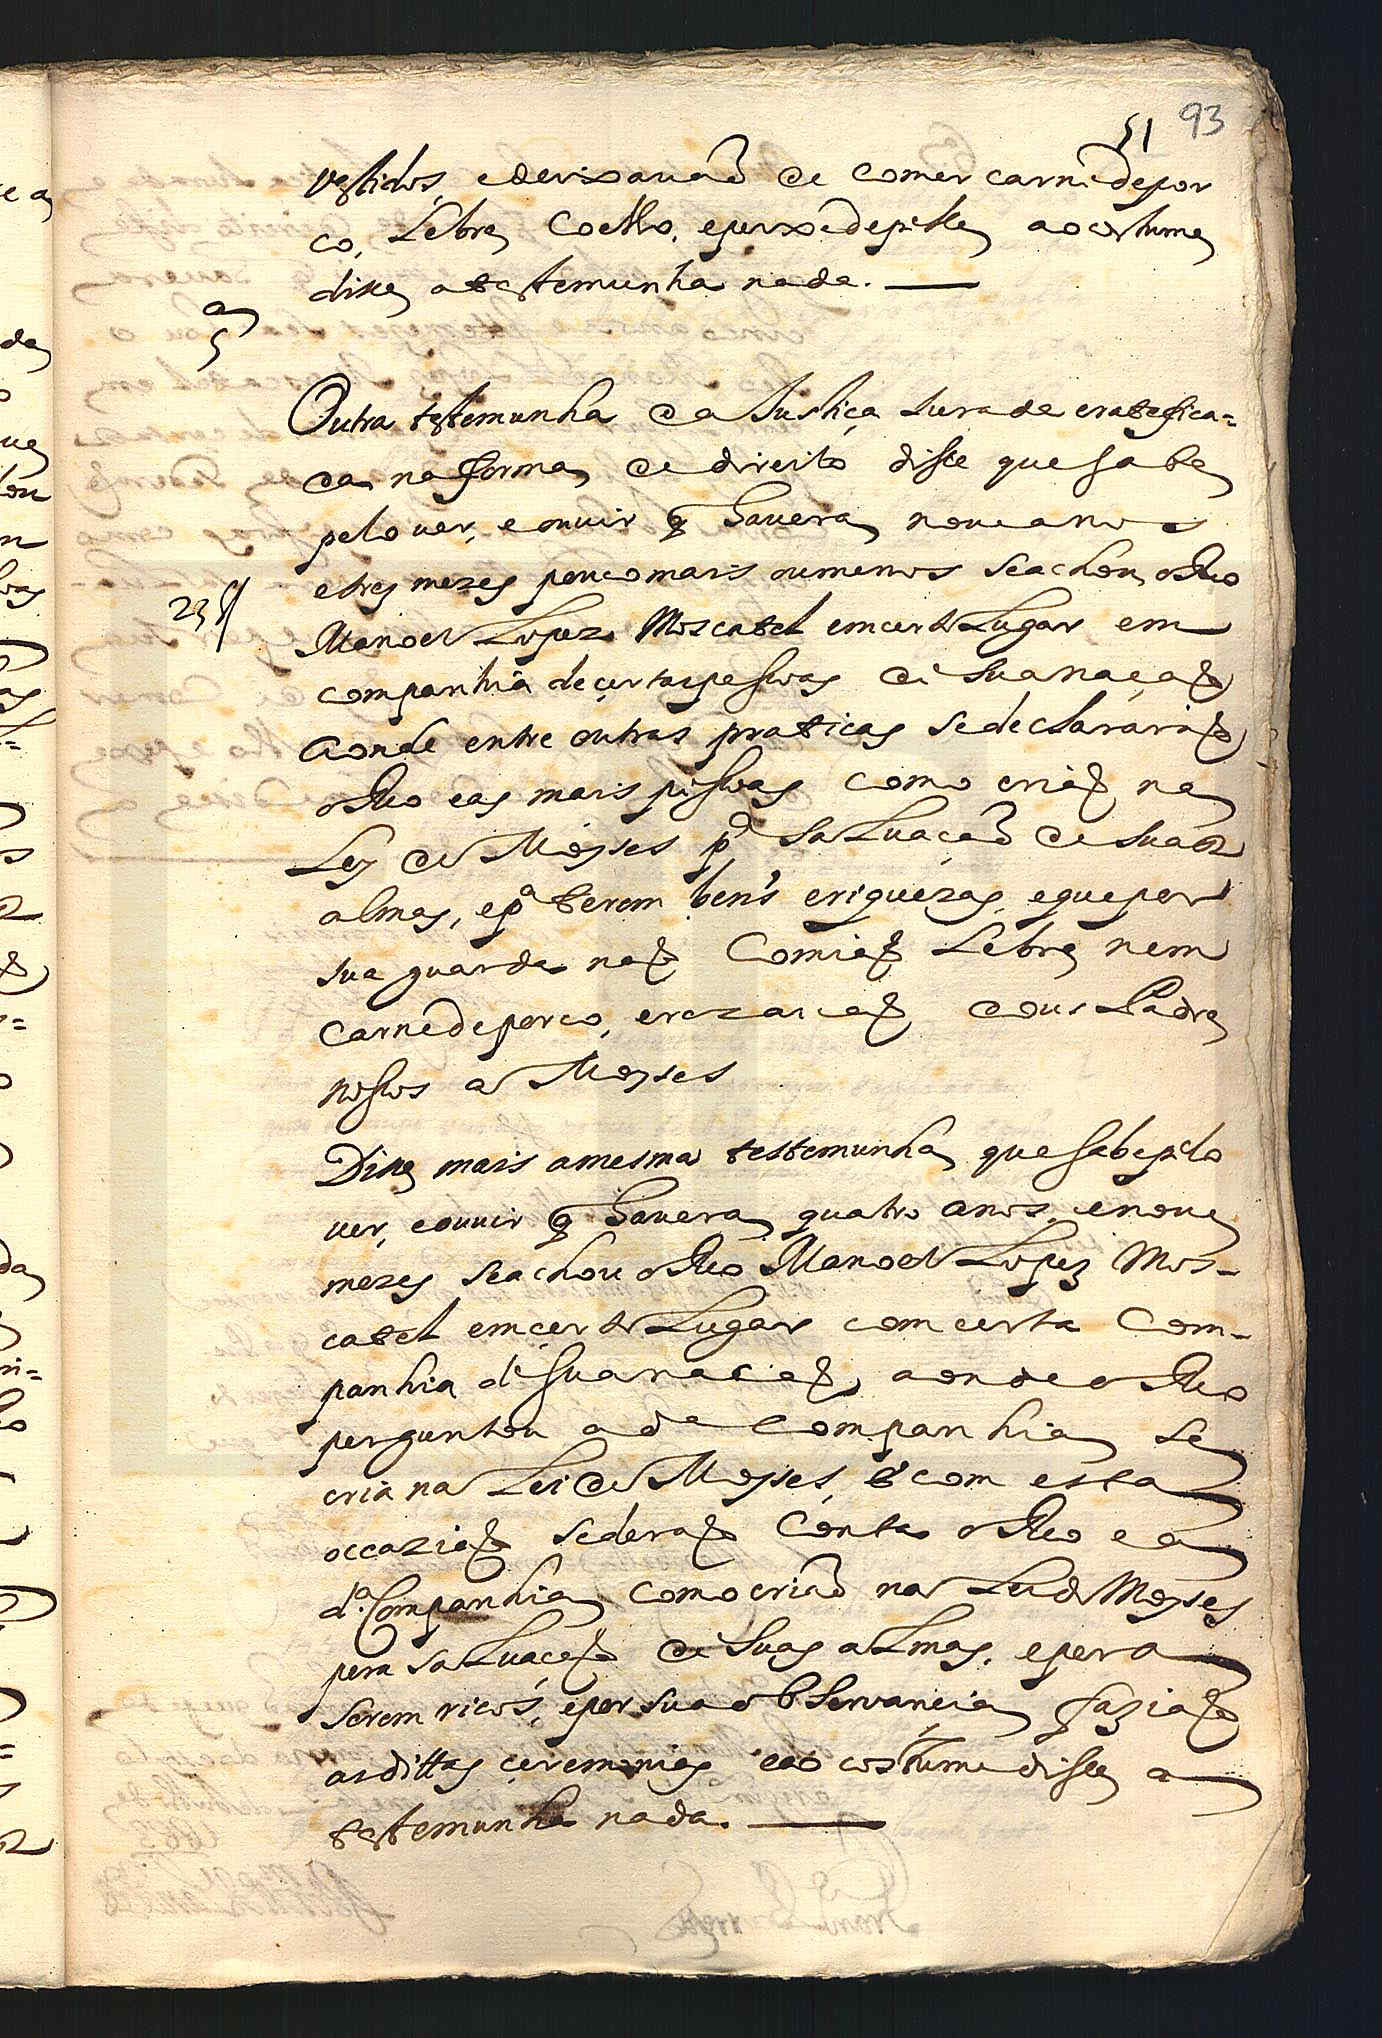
vestidos, e deixauaõ de comer carne de por
co, Lebre coelho, e peixe de pelle ao costume
disse a testemunha nada.
Outra testemunha da Iustiça iurada e ratefica
da na forma de direito disse que sabe
pelo uer, e ouuir q̄ hauera noue anos
e trez mezes pouco mais ou menos se achou o Reo
Manoel Lopez Moscatel em certo Lugar em
companhia de çertas pessoas de sua naçaõ
aonde entre entre outras praticas se declararaõ
o Reo e as mais pessoas como criaõ na
Ley de Mojses pa Saluaçaõ de Suas
almas, e pa terem bens̄ e riquezas,e que por
sua guarda naõ Comiaõ Lebre nem
carne de porco, e rezauaõ dous Padre
nossos a Moyses
Disse mais a mesma testemunha que sabe pelo
uer, e ouuir q̄ hauera quatro anos, e noue
mezes se achou o Reo Manoel Lopez Mos
catel em çerto Lugar com certa Com
panhia de sua nacaõ aonde o Reo
perguntou a da companhia se
cria na Lei de Mojses, & com esta
occaziaõ se deraõ conta o Reo e a
d.a Companhia como criaõ na Lei de Mojses
pera saLuaçaõ de Suas aLmas, e pera
Serem ricos, e por sua obSeruançia faziaõ
as dittas çeremonias e ao costume disse a
testemunha nada.
